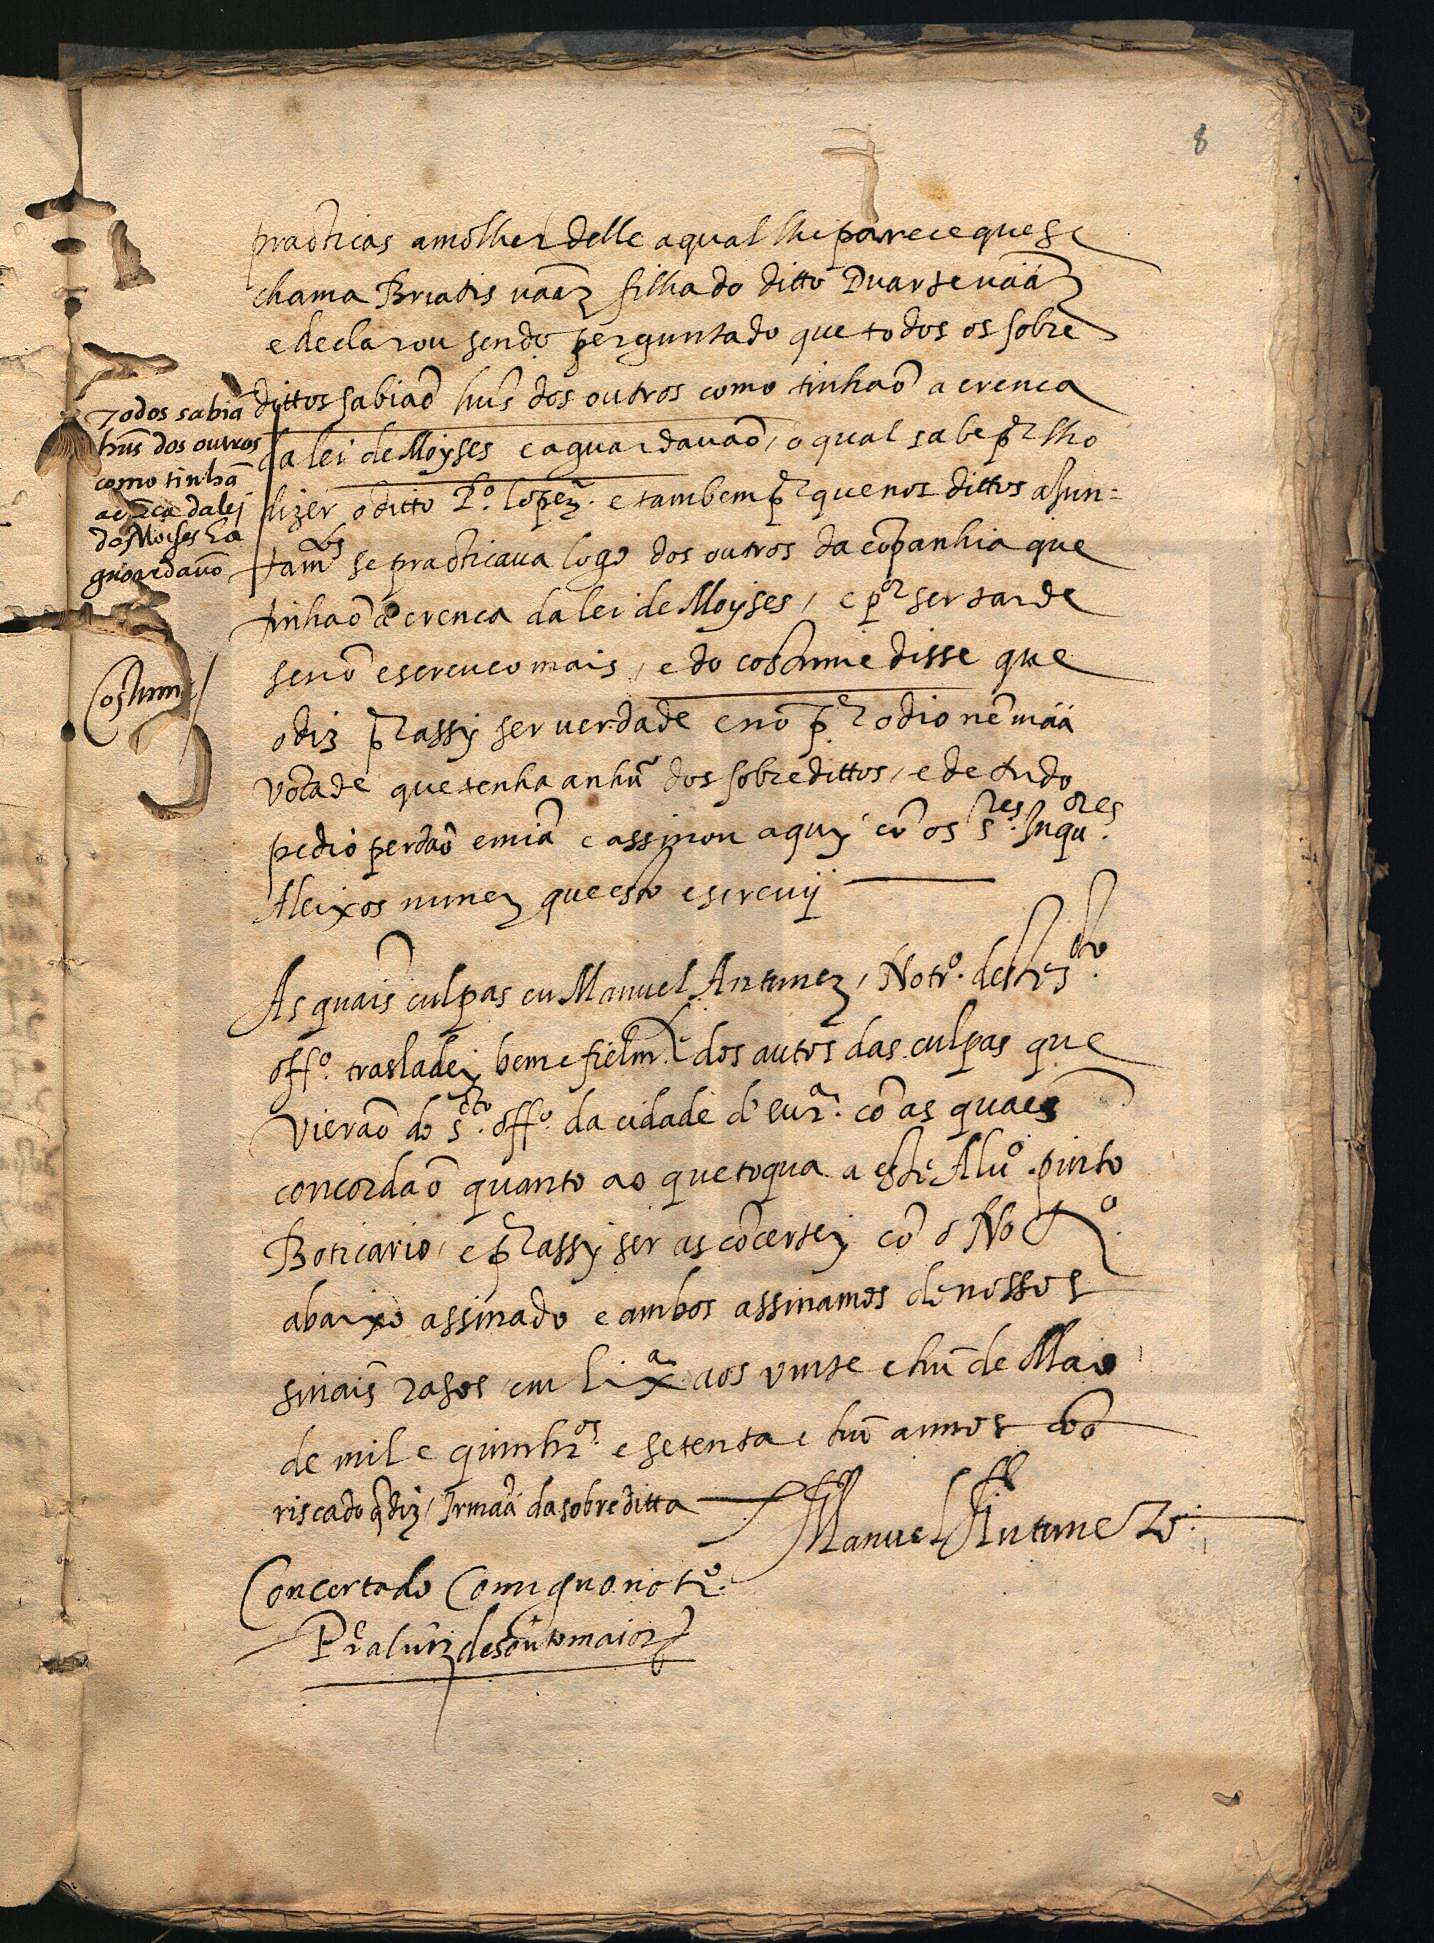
Todos sabiā
hūs dos outros
como tinhā
a c_ēça da lej
de Moises ha
guoardauō
Costum
practicas a molher delle a qual lhe parece que se
chama Briatis uaāz filha do ditto Duarte uaāz
e declarou sendo perguntado que todos os sobre
dittos sabiaõ hus̄ dos outros como tinhaõ a crença
da lei de Moyses e a guardauaõ, o qual sabe por lho
dizer o ditto Po lopez̄. e tambem porque nos dittos aJun
tamtos se practicaua logo dos outros da cōpanhia que
tinhaõ a crença da lei de Moyses, e por ser tarde
se nō escreueo mais, e do costume disse que
o diz por assy ser uerdade e nō por odio nē maa
vōtade que tenha a nhū dos sobredittos, e de tudo
pedio perdaõ e miā e assinou aquy cō os sres. Jnquores.
Aleixos nunez que esto escreuy
As quais culpas eu Manuel Antunez, Notro. deste scto.
offo. trasladey bem e fielm.te dos autos das culpas que
Vierão do scto. offo. da cidade d'eura. cō as quaes̄
concordaõ quanto ao que toqua a este Aluo. pinto
Boticario, e por assy ser as cōcertey cō o Notro.
abaixo assinado e ambos assinamos de nossos
sinais rasos, em Lixa. aos vinte e hū de Maio
de mil e quinhtos. e setenta e hū annos cō o
riscado q̄ diz, Jrmaã da sobreditta
Concertado Comiguo notro.
